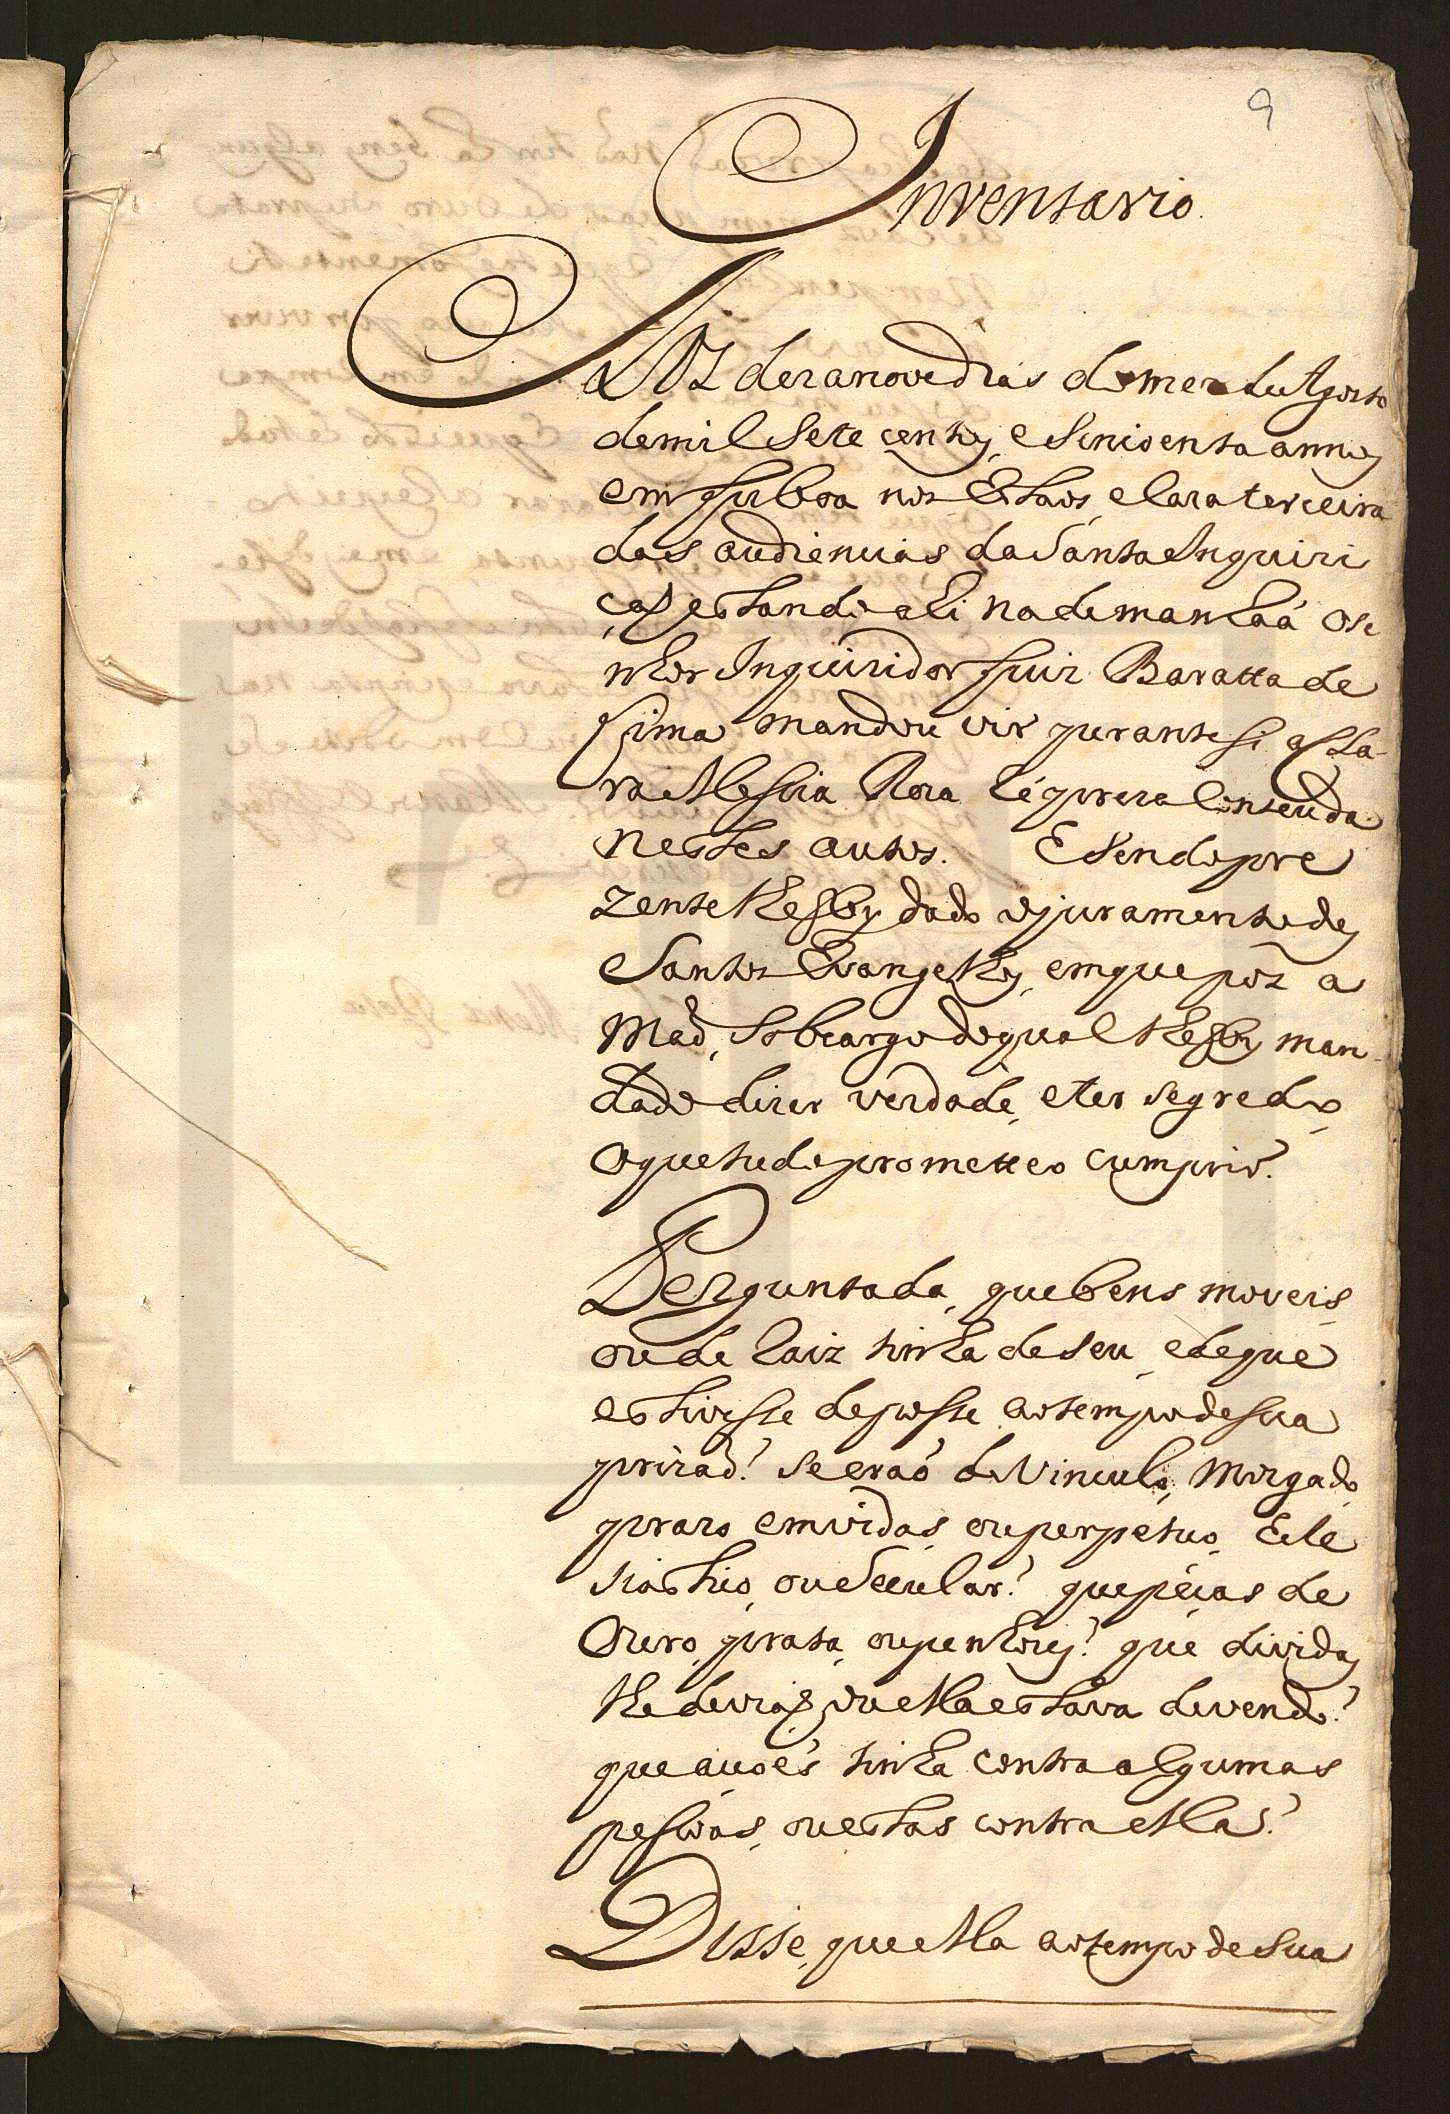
Inventario.
AOz dezanove dias do mez de Agosto
de mil Setecentos, e Sincoenta annos
em Lisboa nos Estaos e Caza terceira
das audiencias da Santa Inquizi
çaõ estando ahi na de manhaã o se
nhor Inquizidor Luiz Baratta de
Lima mandou vir perante si a CLa
ra Messia Roza Ré preza Conteuda
nestes autos. E Sendo pre
zente lhe foy dado o juramento dos
Santos Evangelhos, em que poz a
maõ, sob cargo do qual lhe foy man
dado dizer verdade, e ter segredo,
O que tudo prometteo cumprir.
Perguntada, que bens moveis,
ou de Raiz tinha de seu, e de que
estivesse de posse ao tempo de sua
prizaõ? se eraõ de vinculo, morgado,
prazo em vidas, ou perpetuo, Ecle
siastico, ou Secular? que péças de
Ouro, prata, ou penhores? que dividas
lhe deviaõ, ou ella estava devendo?
que acçoẽs tinha contra algumas
pessoas, ou estas contra ella?
Disse, que ella ao tempo de Sua
